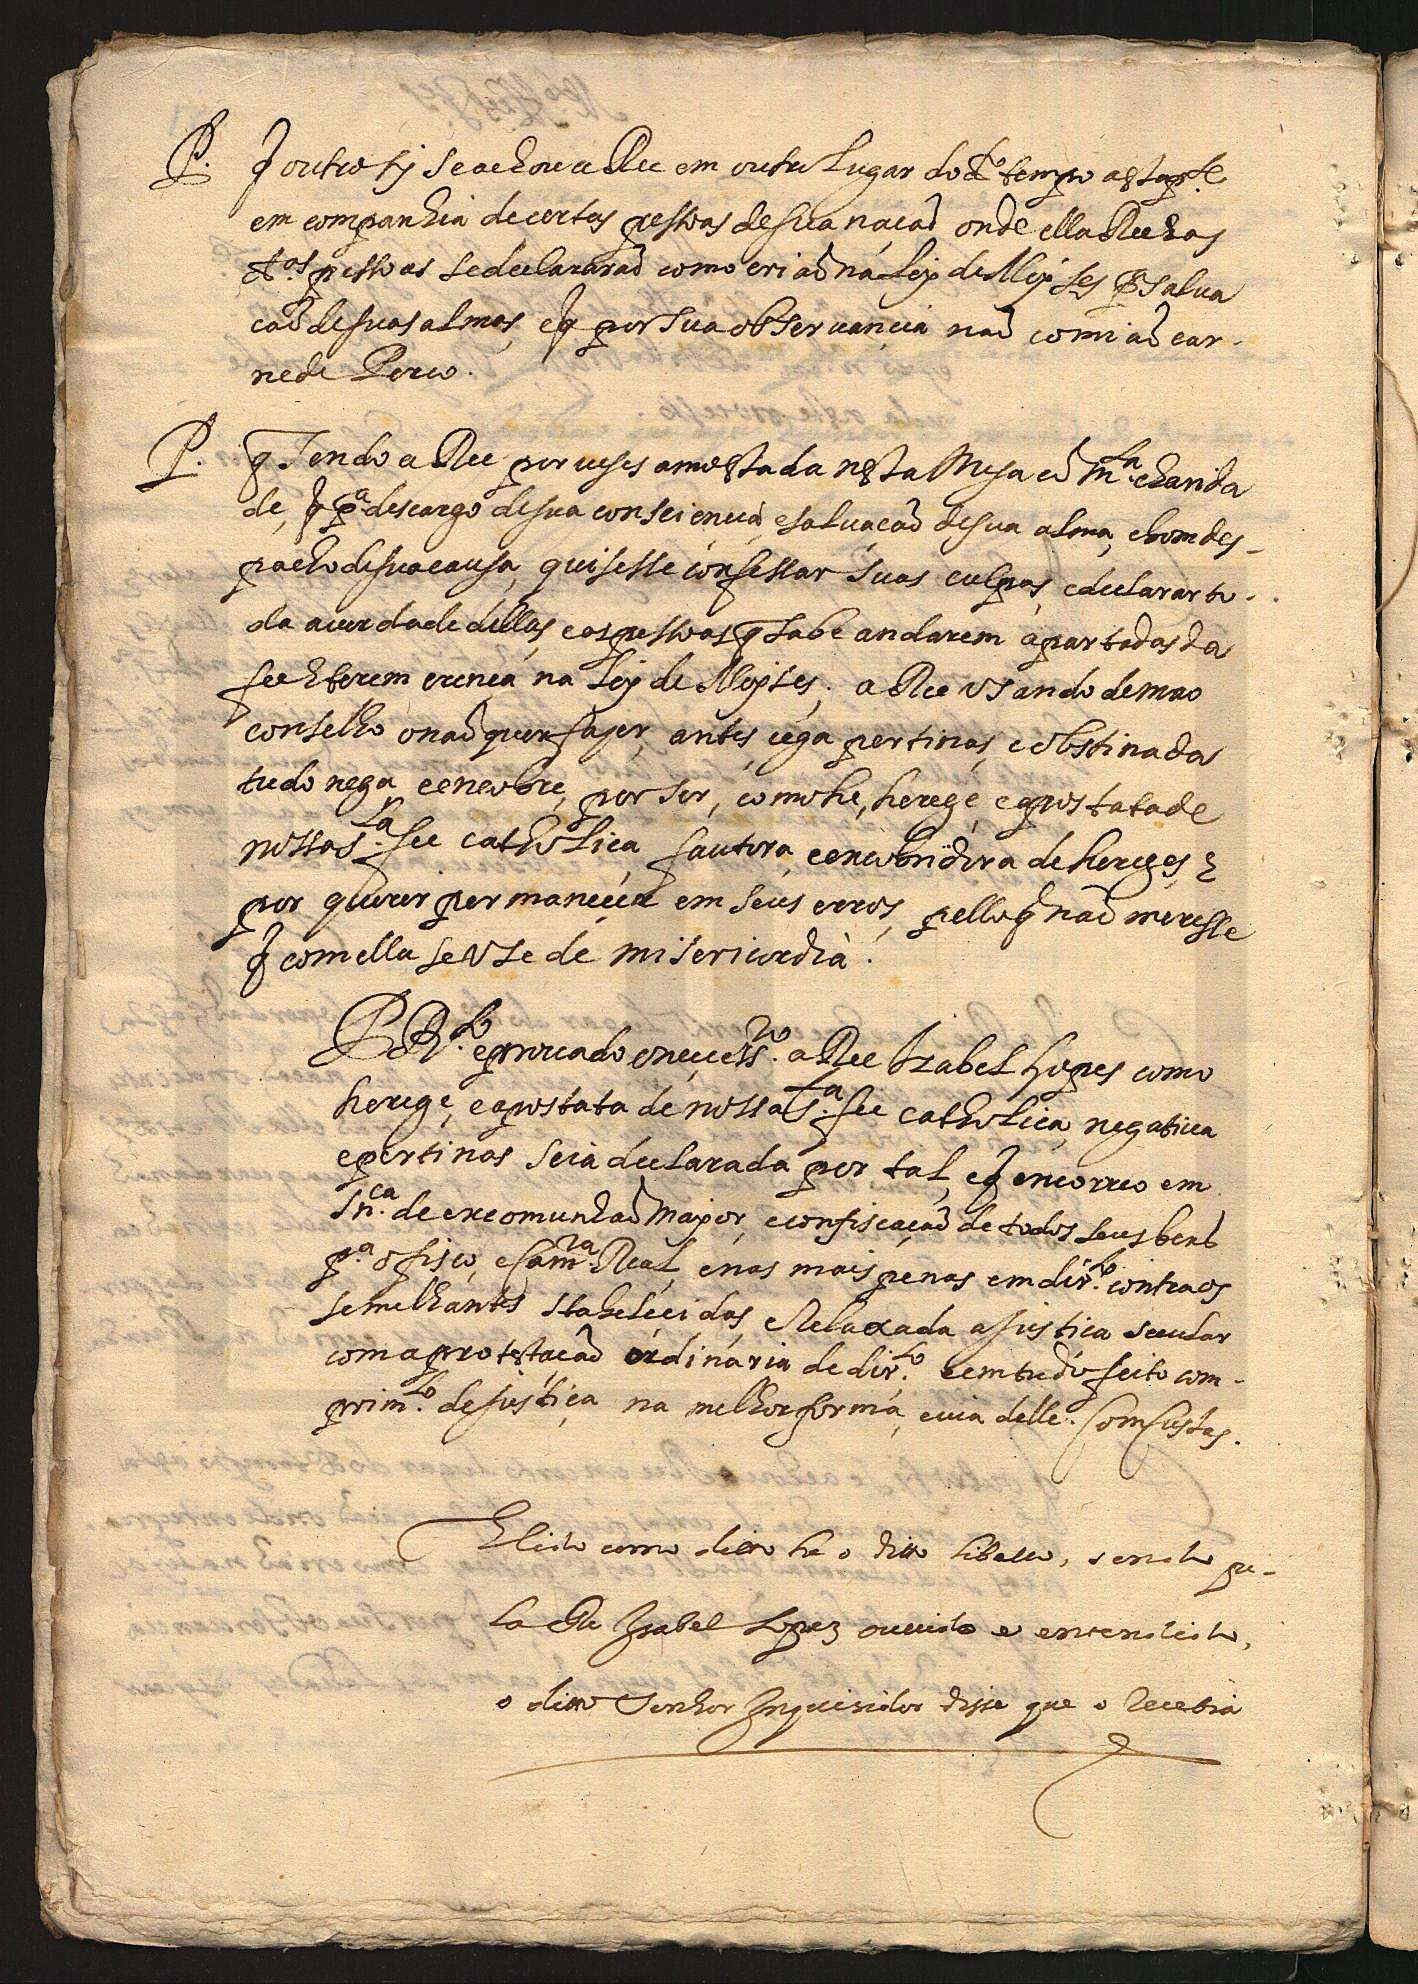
P. q̄ outrosy se achou a Ree em outro Lugar do d̄o tempo a esta pte.
em companhia de certas pessoas de sua naçaõ onde ella Ree E as
d̄.as pessoas se declararaõ como criaõ na Ley de Moyses pa salua
caõ de suas almas, e q̄ por sua obseruançia naõ comiaõ car
ne de Porco
P. q̄ sendo a Ree por ueses amoestada nesta Mesa cō mta. charida
de, q̄ pa. descargo de sua consciençia, e saluaçaõ de sua alma, e bom des
pacho de sua causa, quisesse confessar suas culpas, e declarar to
da a uerdade dellas, e as pessoas q̄ sabe andarem apartadas da
fee E terem crença na Ley de Moyses; a Ree vsando de mao
conselho o naõ quer fazer, antes, cega pertinas, e obstinada
tudo nega, e encobre, por ser, como he, herege, e apostata de
nossa sta. fee cathoLica, fautora, e encobridora de hereges, E
por querer permaneçer em seus erros, pello q̄ não meresse
q̄ com ella se vse de misericordia.
P R.to e prouado o neçessro. a Ree IzabeL Lopes como
herege, e apostata de nossa Sta. fee catholica, negatiua
e pertinas seia declarada por tal, e q̄ encorreo em
sn.ca de excomunhaõ mayor, e confiscaçaõ de todos seus bens
p.a o fisco, e Camra. ReaL, e nas mais penas em dir.to contra os
semelhantes stabeleçidas, e Relaxada a Justiça secular
com a protestação ordinaria de dir.to, e em tudo feito com
primto. de Justiça na melhor forma, e uia delle. Com Custas.
E lido como ditto he o ditto Libello, sendo pe
La Re Jzabel Lopez ouuido e entendido,
o ditto Senhor Jnquisidor disse que o Recebia
